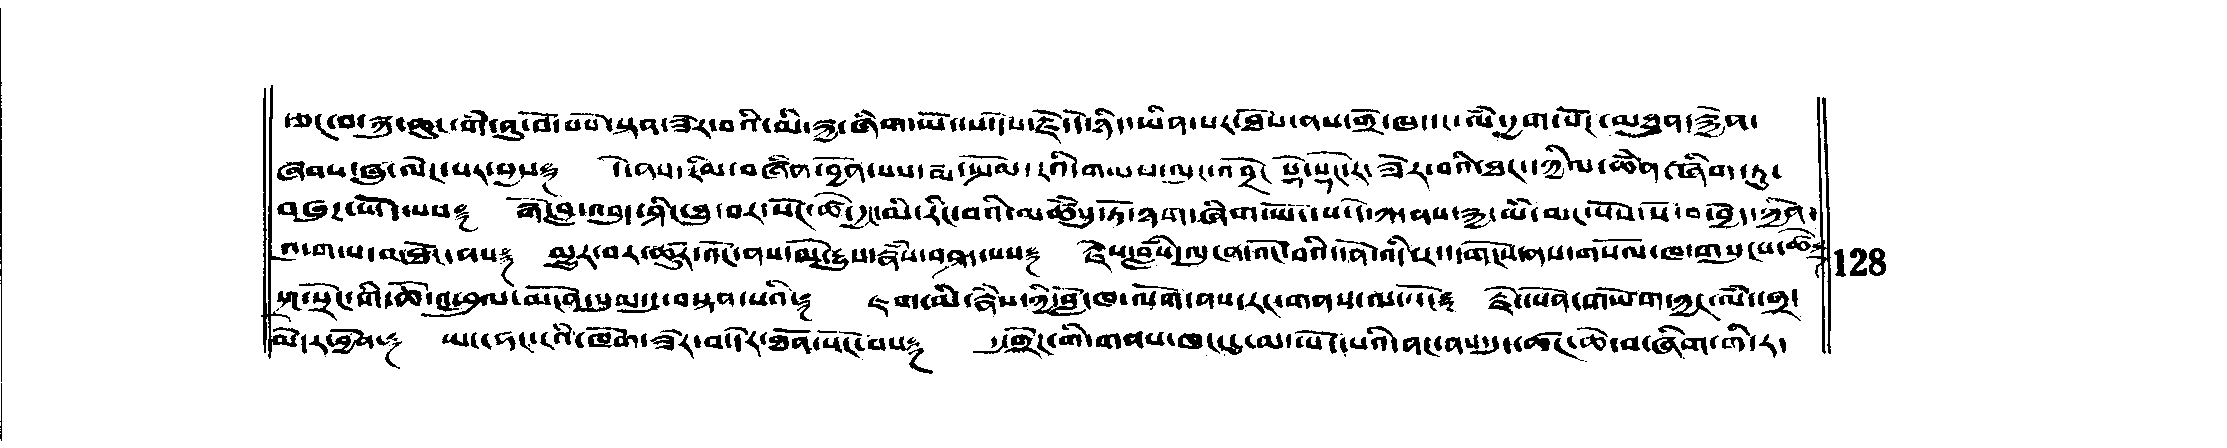རྩང་བ་སྐུ་ཆུང་གི་ནུ་བོ་བསོ་སྟན་ཟེར་བའི་མི་སྐྱ་ཞིག་ཡོད་པ་དེས་རྗེ་དེ་ཉིད་ཡིན་པར་ཐོས་ནས་གྲོ་ཁ་དང་ལམ་རྒྱག་སོགས་མཐུན་རྐྱེན་
ཞབས་ཞུ་ལེགས་པར་བྱས།དེ་ནས་རིམ་བཞིན་བྱོན་པས་སྨ་སྤོམ་རའི་གཡས་ལུང་འབྲོང་སྡེ་སྡང་རོ་ཟེར་བའི་ཐང་དཀྱིལ་ཆེན་པོ་ཞིག་ཏུ་
བཞུགས་ཡོད་པས། སྒོ་བླ་འབུད་ཤིང་ཐུ་བར་སོང་ཚེ་རྒྱང་མི་རིང་བའི་མཚམས་སུ་ཏོ་ཉག་ཞིག་ཡོད་པ་དེ་ཀ་ནས་སྐྱ་མི་མང་པོས་སོ་བ་བྱེད་ཀྱིན་
འདུག་པ་མཐོང་ནས། མྱུར་བར་ཚུར་འོང་ནས་ལོ་རྒྱུས་རྣམས་བཤད་པས། རྗེས་བླ་མས་ལུང་བསྟན་འོང་བའི་དོན་འདི་རེད་དགོངས་ནས་གསོལ་ཁ་གསུངས་ཚེ། 
དྲང་སྲོང་གི་ཆོ་འཕྲུལ་མངོན་སུམ་དུ་བསྟན་པའི། ཇག་མི་རྣམས་ཀྱི་བློ་ཁ་ལོག་ནས་རང་གནས་ལ་སོང་། རྗེ་དཔོན་གཡོག་ཀྱང་ལམ་དགྲ་
མེད་པར་བྱོན། ཡང་ཧང་རའི་ཁོག་ཟེར་བ་དེར་ཐོན་སོང་བས། རྒྱ་གྲོང་གི་གནས་ཁང་དུ་མ་ཡོད་པའི་ནང་ནས་དུད་ཚང་ཆེ་བ་ཞིག་གི་རྭ་